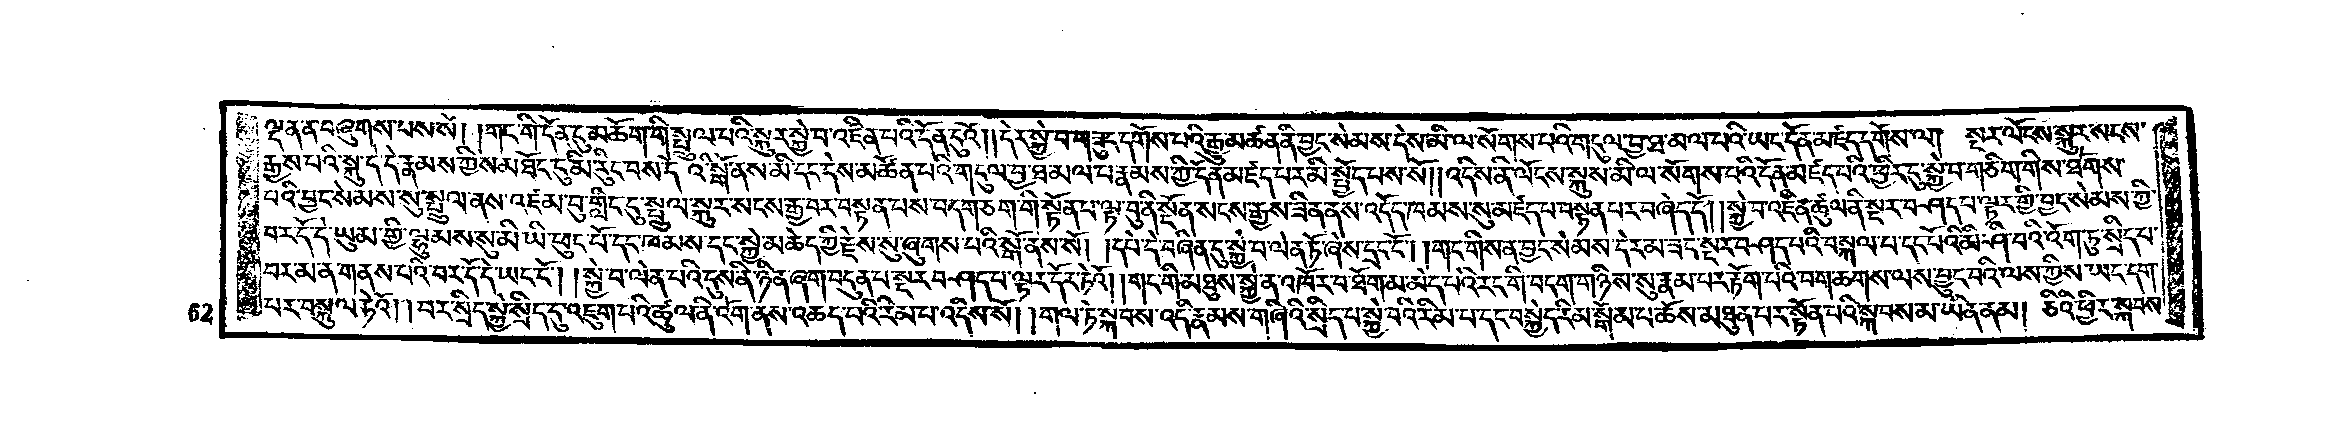ལྡན་ན་བཞུགས་པས་སོ། །གང་གི་དོན་དུ་ན་མཆོག་གི་སྤྲུལ་པའི་སྐུར་སྐྱེ་བ་འཛིན་པའི་དོན་དུའོ། །དེར་སྐྱེ་བ་གཟུང་དགོས་པའི་རྒྱུ་མཚན་ནི་བྱང་སེམས་དེས་མི་ལ་སོགས་པའི་གདུལ་བྱ་ཐ་མལ་པའི་ཡང་དོན་མཛད་དགོས་ལ། སྔར་ལོངས་སྐུར་སངས་
རྒྱས་པའི་སྐུ་དེ་དེ་རྣམས་ཀྱི་ས་མཐོང་དུ་མི་རུང་བས་དེའི་སྒོ་ནས་མི་དང་དེས་མཚོན་པའི་གདུལ་བྱ་ཐ་མལ་པ་རྣམས་ཀྱི་དོན་མཛད་པར་མི་སྤྱོད་པས་སོ། །འདིས་ནི་ལོངས་སྐུས་མི་ལ་སོགས་པའི་དོན་མཛད་པའི་ཕྱིར་དུ་སྐྱེ་བ་གཅིག་གིས་ཐོགས་
པའི་བྱང་སེམས་སུ་སྤྲུལ་ནས་འཛམ་བུ་གླིང་དུ་སྤྲུལ་སྐུར་སངས་རྒྱ་བར་བསྟན་པས་བདག་ཅག་གི་སྟོན་པ་ལྟ་བུ་ནི་སྔོན་སངས་རྒྱས་ཟིན་ནས་འདོད་ཁམས་སུ་མཛད་པ་བསྟན་པར་བཞེད་དོ། །སྐྱེ་བ་འཛིན་ཚུལ་ནི་སྔར་བཤད་པ་ལྟར་གྱི་བྱང་སེམས་ཀྱི་
བར་དོ་དེ་ཡུམ་གྱི་ལྷུམས་སུ་མི་ཡི་ཕུང་པོ་དང་ཁམས་དང་སྐྱེ་མཆེད་ཀྱི་རྗེས་སུ་ཞུགས་པའི་སྒོ་ནས་སོ། །དཔེ་དེ་བཞིན་དུ་སྐྱེ་བ་ལེན་ཏོ་ཞེས་དྲང་ངོ། །གང་གིས་ན་བྱང་སེམས་དེར་མ་ཟད་སྔར་བཤད་པའི་བསྐལ་པ་དང་པོའི་མི་ཤི་བའི་འོག་ཏུ་སྲིད་པ་
བར་མ་ན་གནས་པའི་བར་དོ་དེ་ཡང་ངོ། །སྐྱེ་བ་ལེན་པའི་དུས་ནི་ཉིན་ཞག་བདུན་པ་སྔར་བཤད་པ་ལྟར་དོར་ཏེའོ། །གང་གི་མཐུས་སྐྱེ་ན་འཁོར་བ་ཐོག་མ་མེད་པའི་རང་གི་བདག་གཉིས་སུ་རྣམ་པར་རྟོག་པའི་བག་ཆགས་ལས་བྱུང་བའི་ལས་ཀྱིས་ཡང་དག་
པར་བསྐུལ་ཏེའོ། །བར་སྲིད་སྐྱེ་སྲིད་དུ་འཇུག་པའི་ཚུལ་ནི་འོག་ནས་འཆད་པའི་རིམ་པ་འདིས་སོ། །གལ་ཏེ་སྐབས་འདི་རྣམས་གཞིའི་སྲིད་པ་སྐྱེ་བའི་རིམ་པ་དང་བསྐྱེད་རིམ་སྒོམ་པ་ཆོས་མཐུན་པར་སྟོན་པའི་སྐབས་མ་ཡིན་ནམ། ཅིའི་ཕྱིར་སྐབས་